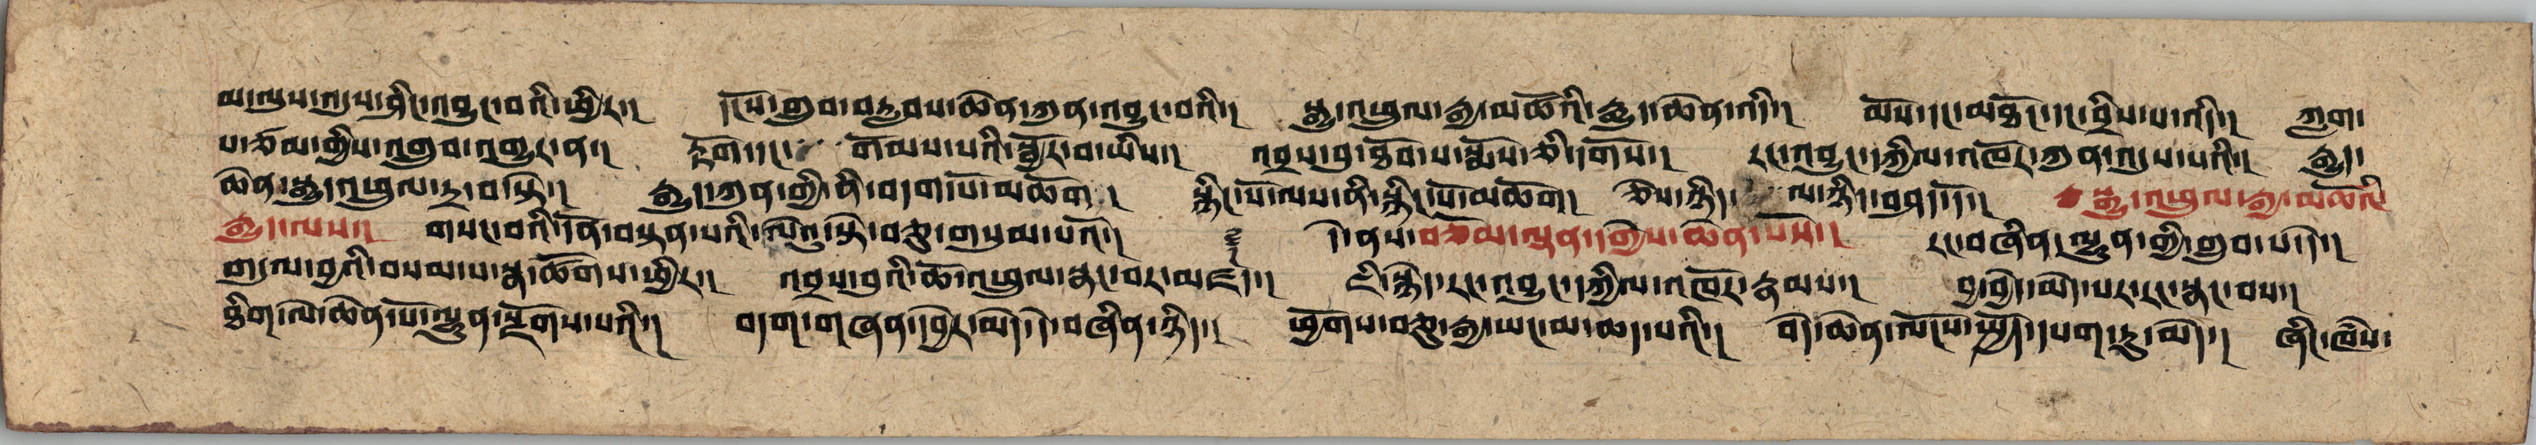མ་ལུས་འདུས་ཤིང་འབྱུང་བའི་ཕྱིར་། དངོས་གྲུབ་བརླབས་ཆེན་ཀུན་འབྱུང་བའི་། སྒྱུ་འཕྲུལ་རྒྱ་མཚོའི་རྒྱུད་ཆེན་འདི་། མོས་དང་མཐོང་དང་བྲིས་པ་འདི་། ཀླག་
པ་ཙམ་གྱིས་འགྲུབ་འགྱུར་ན་། རྟོག་དང་་་་་གཽམས་པའི་སྦྱོར་བ་ཡིས་། འབྲས་བུ་ཐོབ་པ་སྨོས་ཅི་དགོས་། རང་བྱུང་དཀྱིལ་འཁོར་ཀུན་འདུས་པའི་། རྒྱུད་
ཆེན་སྒྱུ་འཕྲུལ་དྲ་བ་སྟེ་། རྒྱུད་ཀུན་གྱི་ནི་བདག་པོ་མཆོག། སྙིང་པོ་ལས་ནི་སྙིང་པོ་མཆོག། ཅེས་ཉིད་ལ་ཉིད་བཤད་དོ་། སྒྱུ་འཕྲུལ་རྒྱ་མཚོའི་
རྒྱུད་ལས་། གསང་བའི་དོན་བསྟན་པའི་ལེའུ་སྟེ་བཅུ་གསུམ་པའོ་། ࿑ དེ་ནས་བཅཽམ་ལྡན་དགྱེས་ཆེན་པོས་། རང་བཞིན་ལྷུན་གྱི་གྲུབ་པ་དེ་།
གདུལ་བྱའི་བསམ་པ་སྣ་ཚོགས་ཕྱིར་། འབྲས་བུའི་ཆོ་འཕྲུལ་སྣང་བར་མཛད་། ཇི་སྙེད་རང་འབྱུང་དཀྱིལ་འཁོར་རྣམས་། བྱ་བྱེད་མེད་པར་རང་སྣང་བས་།
ཐིག་ལེ་ཆེན་པོ་ལྷུན་སྫོགས་པའི་། བདག་གཞན་དབྱེར་མེད་དེ་བཞིན་ཉིད་། ཕྱོགས་བཅུ་རྒྱ་ཡང་མ་ཆད་པའི་། བདེ་ཆེན་ལོངས་སྤྱོད་དཔག་ཏུ་མེད་། ཞིང་ཁཾས་